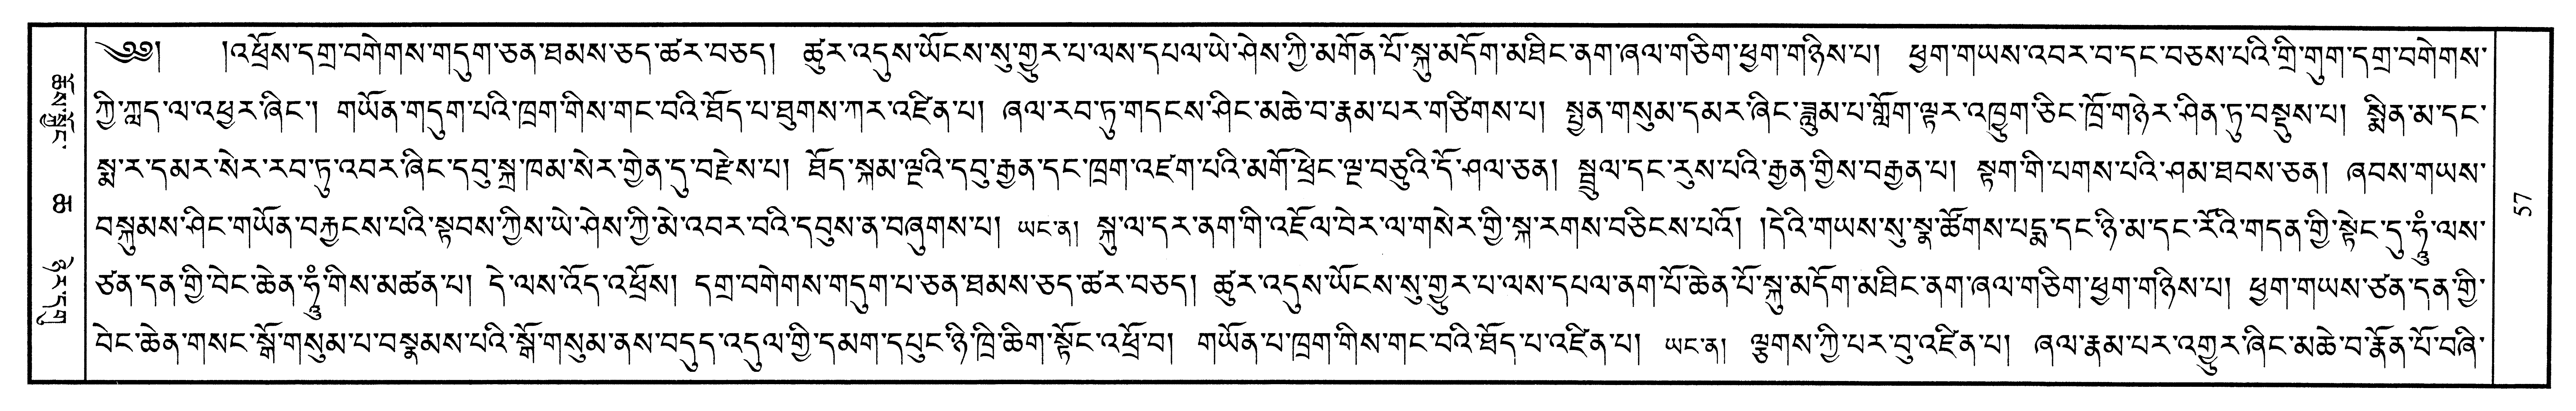༄༅། །འཕྲོས་དགྲ་བགེགས་གདུག་ཅན་ཐམས་ཅད་ཚར་བཅད། ཚུར་འདུས་ཡོངས་སུ་གྱུར་པ་ལས་དཔལ་ཡེ་ཤེས་ཀྱི་མགོན་པོ་སྐུ་མདོག་མཐིང་ནག་ཞལ་གཅིག་ཕྱག་གཉིས་པ། ཕྱག་གཡས་འབར་བ་དང་བཅས་པའི་གྲི་གུག་དགྲ་བགེགས་
ཀྱི་ཀླད་ལ་འཕྱར་ཞིང་། གཡོན་གདུག་པའི་ཁྲག་གིས་གང་བའི་ཐོད་པ་ཐུགས་ཀར་འཛིན་པ། ཞལ་རབ་ཏུ་གདངས་ཤིང་མཆེ་བ་རྣམ་པར་གཙིགས་པ། སྤྱན་གསུམ་དམར་ཞིང་ཟླུམ་པ་གློག་ལྟར་འཁྱུག་ཅིང་ཁྲོ་གཉེར་ཤིན་ཏུ་བསྡུས་པ། སྨིན་མ་དང་
སྨ་ར་དམར་སེར་རབ་ཏུ་འབར་ཞིང་དབུ་སྐྲ་ཁམ་སེར་གྱེན་དུ་བརྫེས་པ། ཐོད་སྐམ་ལྔའི་དབུ་རྒྱན་དང་ཁྲག་འཛག་པའི་མགོ་ཕྲེང་ལྔ་བཅུའི་དོ་ཤལ་ཅན། སྦྲུལ་དང་རུས་པའི་རྒྱན་གྱིས་བརྒྱན་པ། སྟག་གི་པགས་པའི་ཤམ་ཐབས་ཅན། ཞབས་གཡས་
བསྐུམས་ཤིང་གཡོན་བརྐྱངས་པའི་སྟབས་ཀྱིས་ཡེ་ཤེས་ཀྱི་མེ་འབར་བའི་དབུས་ན་བཞུགས་པ། ཡང་ན། སྐུ་ལ་དར་ནག་གི་འཇོལ་བེར་ལ་གསེར་གྱི་སྐ་རགས་བཅིངས་པའོ། །དེའི་གཡས་སུ་སྣ་ཚོགས་པདམ་དང་ཉི་མ་དང་རོའི་གདན་གྱི་སྟེང་དུ་ཧཱུཾ་ལས་
ཙན་དན་གྱི་བེང་ཆེན་ཧཱུཾ་གིས་མཚན་པ། དེ་ལས་འོད་འཕྲོས། དགྲ་བགེགས་གདུག་པ་ཅན་ཐམས་ཅད་ཚར་བཅད། ཚུར་འདུས་ཡོངས་སུ་གྱུར་པ་ལས་དཔལ་ནག་པོ་ཆེན་པོ་སྐུ་མདོག་མཐིང་ནག་ཞལ་གཅིག་ཕྱག་གཉིས་པ། ཕྱག་གཡས་ཙན་དན་གྱི་
བེང་ཆེན་གསང་སྒོ་གསུམ་པ་བསྣམས་པའི་སྒོ་གསུམ་ནས་བདུད་འདུལ་གྱི་དམག་དཔུང་ཉི་ཁྲི་ཆིག་སྟོང་འཕྲོ་བ། གཡོན་པ་ཁྲག་གིས་གང་བའི་ཐོད་པ་འཛིན་པ། ཡང་ན། ལྕགས་ཀྱི་པར་བུ་འཛིན་པ། ཞལ་རྣམ་པར་འགྱུར་ཞིང་མཆེ་བ་རྣོན་པོ་བཞི་